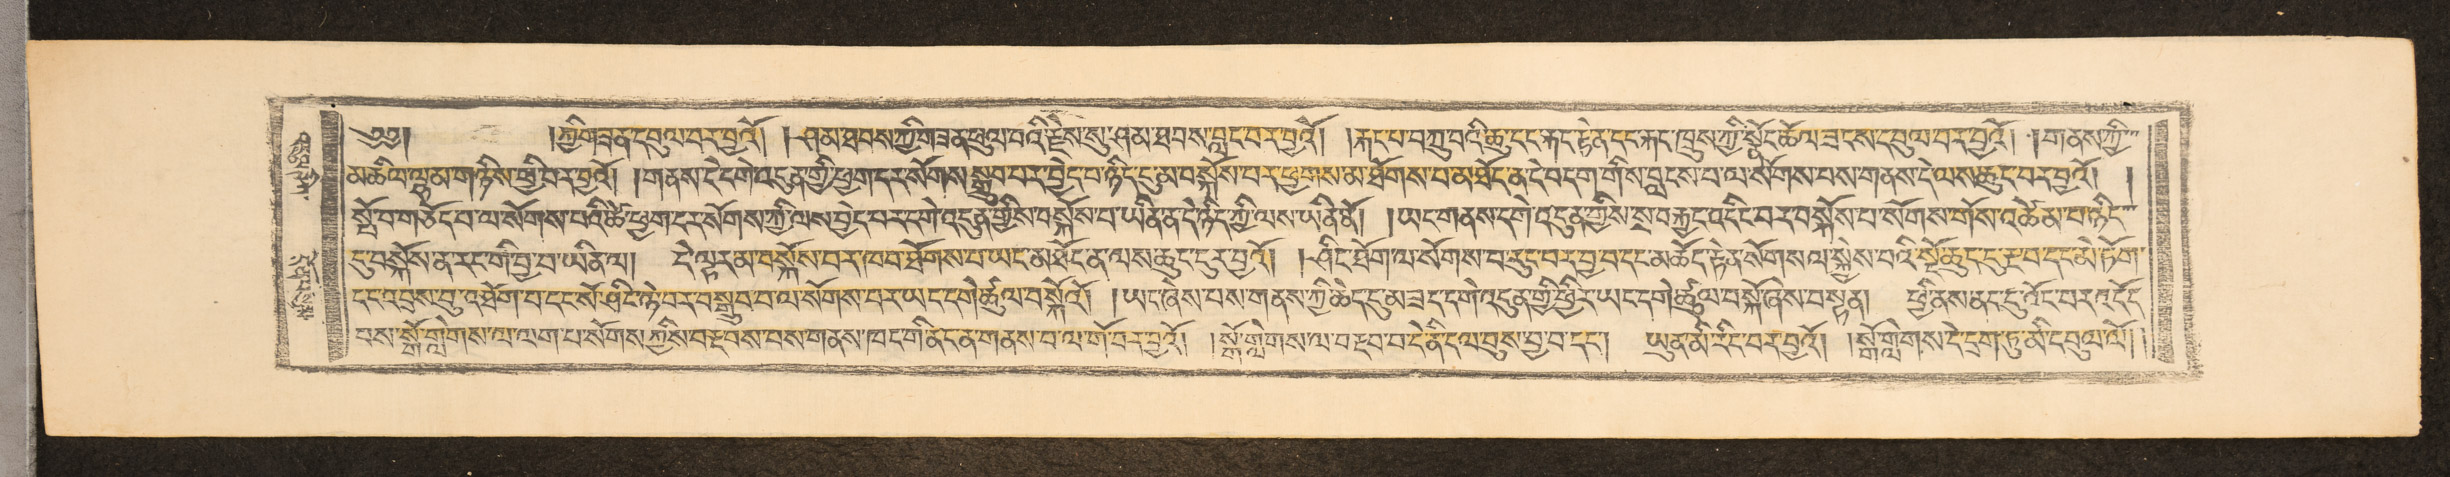༄༅། །ཀྱི་གཟན་དབུལ་བར་བྱའོ། །ཤམ་ཐབས་ཀྱི་གཟན་ཕུལ་བའི་རྗེས་སུ་ཤམ་ཐབས་བླང་བར་བྱའོ། །རྐང་བ་བཀྲུ་བའི་ཆུ་དང་རྐང་རྟེན་དང་རྐང་ཁྲུས་ཀྱི་སྣོད་ཆོལ་ཟངས་དབུལ་བར་བྱའོ། །གནས་ཀྱི་
མཆིལ་ལྷམ་གཉིས་ཕྱི་བར་བྱའོ། །གནས་དེ་དགེ་འདུན་གྱི་ཕྱག་དར་སོགས་སྒྲུབ་པར་བྱེད་པ་ཉིད་དུ་མ་བསྐོས་པར་ཕྱགས་མ་ཐོགས་པ་མཐོང་ན་དེ་བདག་གིས་བླངས་པ་ལ་སོགས་པས་གནས་དེ་ལས་ཆུང་བར་བྱའོ། །
སྤོ་བ་གཅོད་པ་ལ་སོགས་པའི་ཚེ་ཕྱག་དར་སོགས་ཀྱི་ལས་བྱེད་པར་དགེ་འདུན་གྱིས་བསྐོས་པ་ཡིན་ན་དེ་ཉིད་ཀྱི་ལས་ཡིན་ནོ། །ཡང་གནས་དགེ་འདུན་གྱིས་སྒྲ་བརྐྱང་འདིང་བར་བསྐོས་པ་སོགས་གོས་འཚེམ་པ་ཉིད་
དུ་བསྐོས་ན་རང་གི་བྱ་བ་ཡིན་ལ། དེ་ལྟར་མ་བསྐོས་པར་ཁབ་ཐོགས་པ་ཡང་མཐོང་ན་ལས་ཆུང་དུར་བྱའོ། །ཤིང་ཐོག་ལ་སོགས་པ་རུང་བར་བྱ་བ་དང་མཆོད་རྟེན་སོགས་ལ་སྐྱེས་པའི་སྔོ་ཆུང་དུ་རྔ་བ་དང་མེ་ཏོག་
དང་འབྲས་བུ་འཐེག་པ་དང་སོ་ཤིང་ཉེ་བར་བསྒྲུབ་པ་ལ་སོགས་པར་ཡང་དགེ་ཚུལ་བསྐོའོ། །ཡང་ཞེས་པས་གནས་ཀྱི་ཆེད་དུ་མ་ཟད་དགེ་འདུན་གྱི་ཕྱིར་ཡང་དགེ་ཚུལ་བསྐོ་ཞེས་བསྟན། ཕྱི་ནས་ནང་དུ་འོང་བར་འདོད་
པས་སྒོ་གླེགས་ལ་ལག་པ་སོགས་ཀྱིས་བརྡབས་པས་གནས་ཁང་གི་ནང་ན་གནས་པ་ལ་གོ་བར་བྱའོ། །སྒོ་གླེགས་ལ་བརྡབ་པ་དེ་ནི་དལ་བུས་བྱ་བ་དང་། ཡུན་མི་རིང་བར་བྱའོ། །སྒོ་གླེགས་དེ་དྲག་ཏུ་མི་དབུལ་ལོ། །